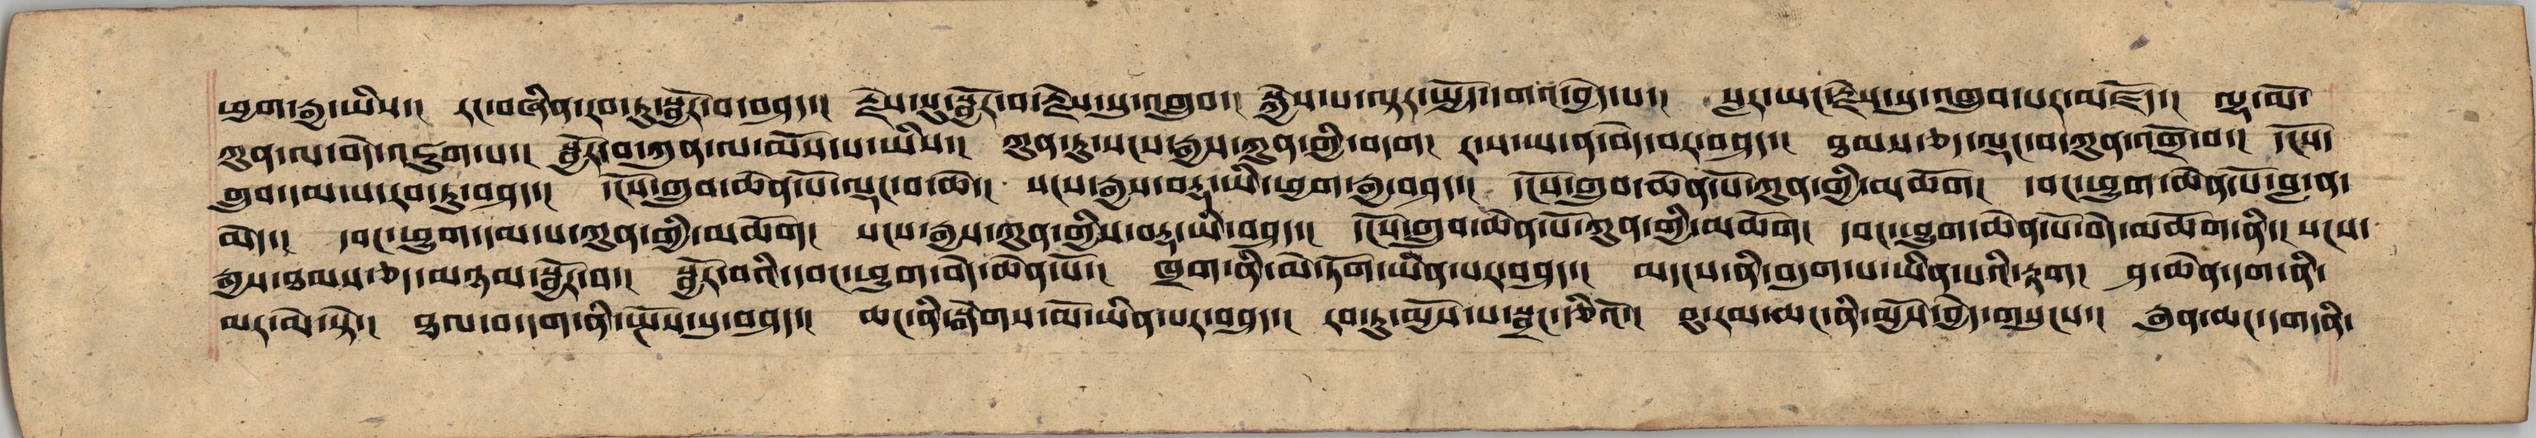ཕྱག་རྒྱ་ཡིས་། རང་བཞིན་རབ་ཏུ་སྦྱོར་བ་བཤད་། རྗེས་སུ་སྦྱོར་བ་རྗེས་སུ་འགྲུབ་། སྐྱེས་པ་ལྟར་སྤྱོད་དགའ་བྱེད་པ་། སླར་ཡང་རྗེས་སུ་འགྲུབ་པར་མཛད་། ལྷ་མོ་
ཀུན་ལ་བདེ་འཇུག་པ་། སྦྱོར་བ་ཀུན་ལ་མོས་པ་ཡིས་། ཀུན་ཏུ་སངས་རྒྱས་ཀུན་གྱི་བདག། ར་ས་ཡ་ན་བདེ་བར་བཤད་། ཐམས་ཅད་ལྡང་བ་ཀུན་འགྲོ་བ་། དངོས་
གྲུབ་དམ་པ་རབ་ཏུ་བཤད་། དངོས་གྲུབ་ཆེན་པོ་ལྡང་བ་ཆེ་། སངས་རྒྱས་བརྡ་ཡི་ཕྱག་རྒྱ་བཤད་། དངོས་གྲུབ་ཆེན་པོ་ཀུན་གྱི་མཆོག། དབང་ཕྱུག་ཆེན་པོ་བླ་ན་
མེད་། དབང་ཕྱུག་དམ་པ་ཀུན་གྱི་མཆོག། སངས་རྒྱས་ཀུན་གྱིས་བརྡ་ཡི་བཤད་། དངོས་གྲུབ་ཆེན་པོ་ཀུན་གྱི་མཆོག། དབང་ཕྱུག་ཆེན་པོ་བདེ་མཆོག་ནི་། སངས་
རྒྱས་ཐམས་ཅད་མཉམ་སྦྱོར་བ་། སྦྱོར་བའི་དབང་ཕྱུག་བདེ་ཆེན་པོ་། ཁྲག་ནི་མེ་ཏོག་ཡིན་པར་བཤད་། མདངས་ནི་བདུག་པ་ཡིན་པའི་རྟག། ཤ་ཆེན་དག་ནི་
མར་མེ་སྟེ་། ཐལ་བ་དག་ནི་སྤོས་སུ་བཤད་། ཆང་ནི་སྒེགས་མོ་ཡིན་པར་བཤད་། རབ་ཏུ་མྱོས་པ་སྦྲང་རྩིའོ་། བུ་རམ་ཆང་ནི་མྱོས་བྱེད་གསུངས་། རྒུན་ཆང་དག་ནི་